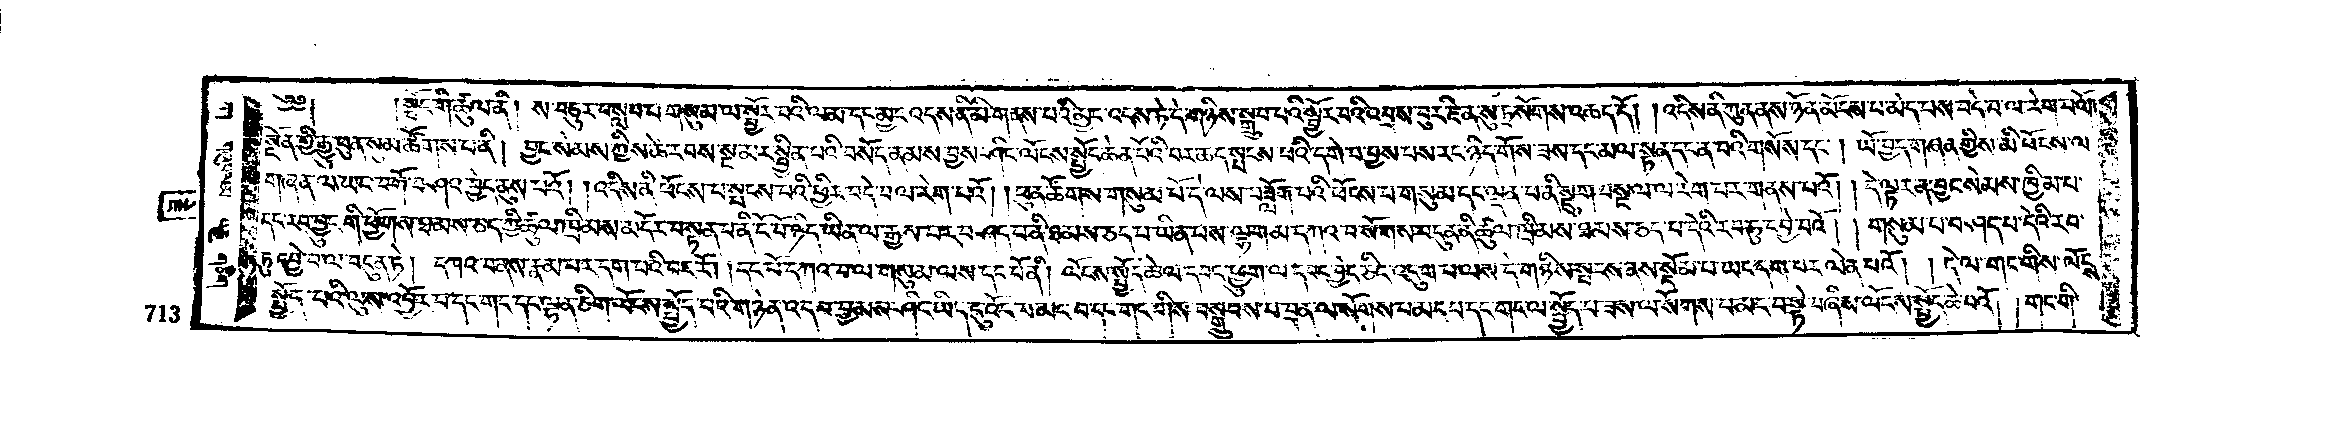༄༅། །སྤོང་གི་ཚུལ་ནི། ས་བཅུར་བསླབ་པ་གསུམ་ལ་སྦྱོར་བའི་ལམ་དང་མྱང་འདས་ནི་མི་གནས་པའི་མྱང་འདས་ཏེ་དེ་གཉིས་སྒྲུབ་པའི་སྦྱོར་བའི་འབྲས་བུར་ཇི་ན་སུ་ཏྲ་སོགས་འཆད་དོ། །འདིས་ནི་ཀུན་ནས་ཉོན་མོངས་པ་མེད་པས་བདེ་བ་ལ་རེག་པའོ།།
སྔོན་གྱི་རྒྱུ་ཕུན་སུམ་ཚོགས་པ་ནི། བྱང་སེམས་ཀྱིས་ཚེ་རབས་སྔ་མར་སྦྱིན་པའི་བསོད་ནམས་བྱས་ཤིང་ལོངས་སྤྱོད་ཆེན་པོའི་བར་ཆད་སྤངས་པའི་དགེ་བ་བྱས་པས་རང་ཉིད་གོས་ཟས་དང་མལ་སྟན་དང་ན་བའི་གསོས་དང་། ཡོ་བྱད་གཞན་གྱིས་མི་ཕོངས་ལ་
གཞན་ལ་ཡང་བགོ་བཤའ་བྱེད་ནུས་པའོ། །འདིས་ནི་ཕོངས་པ་སྤངས་པའི་ཕྱིར་བདེ་བ་ལ་རེག་པའོ། །ཕུན་ཚོགས་གསུམ་པོ་དེ་ལས་བཟློག་པའི་ཕོངས་པ་གསུམ་དང་ལྡན་པ་ནི་སྡུག་བསྔལ་ལ་རེག་པར་གནས་པའོ། །དེ་ལྟར་ན་བྱང་སེམས་ཁྱིམ་པ་
དང་རབ་བྱུང་གི་ཕྱོགས་ཐམས་ཅད་ཀྱི་ཚུལ་ཁྲིམས་མདོར་བསྟན་པ་ནི་ངོ་བོ་ཉིད་ཡིན་ལ་རྒྱས་པར་བཤད་པ་ནི་ཐམས་ཅད་པ་ཡིན་པས་ལྷག་མ་དཀའ་བ་སོགས་བདུན་ནི་ཚུལ་ཁྲིམས་ཐམས་ཅད་པ་དེའི་རབ་ཏུ་དབྱེ་བའོ། །གསུམ་པ་བཤད་པ་དེའི་རབ་
ཏུ་དབྱེ་བ་ལ་བདུན་ཏེ། དཀའ་བ་ནས་རྣམ་པར་དག་པའི་བར་རོ། །དང་པོ་དཀའ་བ་ལ་གསུམ་ལས་དང་པོ་ནི། ལོངས་སྤྱོད་ཆེ་ལ་དབང་ཕྱུག་ལ་དབང་བྱེད་ཅིང་འདུག་པ་ལས་དེ་གཉིས་སྤངས་ནས་སྡོམ་པ་ཡང་དག་པར་ལེན་པའོ། །དེ་ལ་གང་གིས་ལོངས་
སྤྱོད་པའི་ལུས་འབྱོར་བ་དང་གང་དང་ལྷན་ཅིག་ལོངས་སྤྱོད་པའི་གཉེན་འདབ་བྱམས་ཤིང་ཡིད་དུ་འོང་བ་མང་བ་དང་གང་གིས་བསྒྲུབས་པ་བྲན་ལ་སོགས་པ་མེད་པ་དང་གང་ལ་སྤྱོད་པ་ཟས་ལ་སོགས་པ་མང་བ་སྟེ་བཞིས་ལོངས་སྤྱོད་ཆེ་བའོ། །གང་གི་